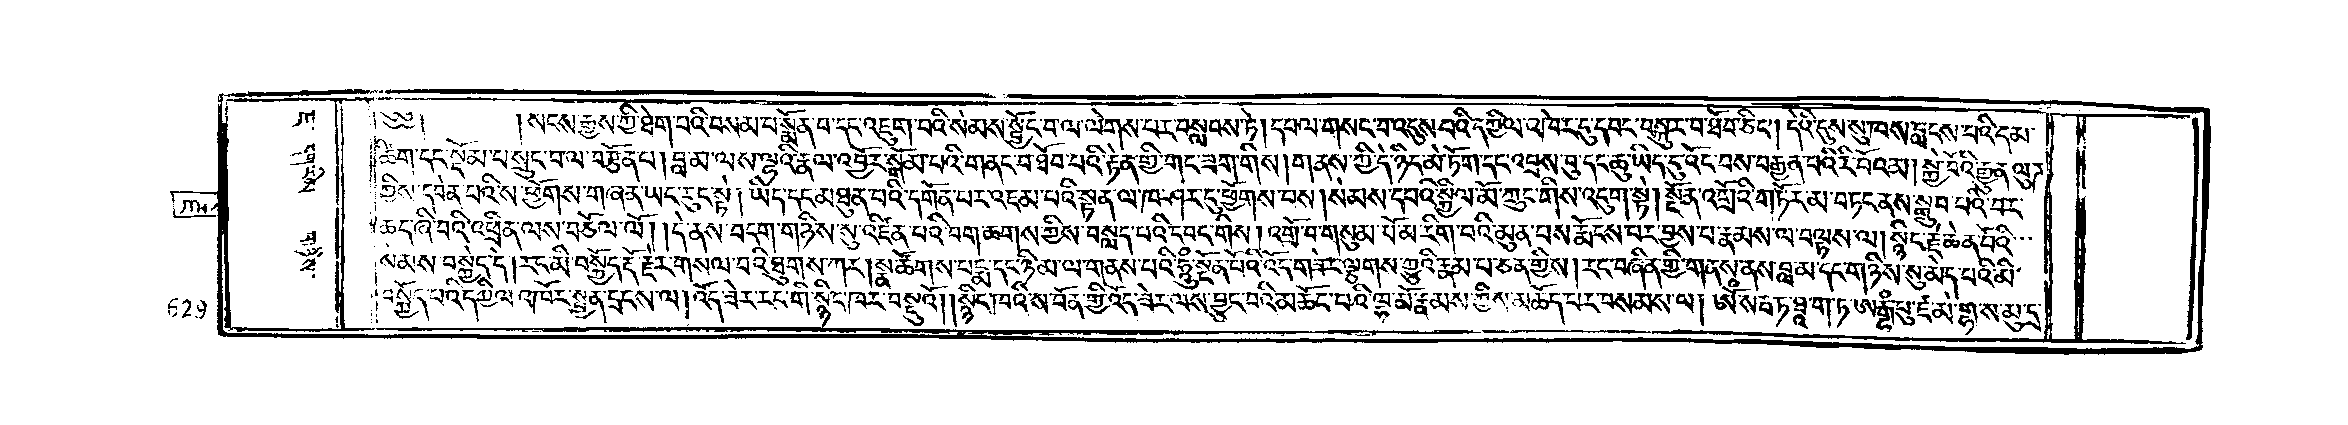༄༅། །སངས་རྒྱས་ཀྱི་ཐེག་པའི་བསམ་པ་སྨོན་བ་དང་འཇུག་པའི་སེམས་སྦྱོང་བ་ལ་ལེགས་པར་བསླབས་ཏེ། དཔལ་གསང་བ་འདུས་པའི་དཀྱིལ་འཁོར་དུ་དབང་བསྐུར་བ་ཐོབ་ཅིང་། དེའི་དུས་སུ་ཁས་བླངས་པའི་དམ་
ཚིག་དང་སྡོམ་པ་སྲུང་བ་ལ་བརྩོན་པ། བླ་མ་ལས་ལྷའི་རྣལ་འབྱོར་སྒོམ་པའི་གནང་བ་ཐོབ་པའི་རྟེན་གྱི་གང་ཟག་གིས། གནས་ཀྱི་དེ་ཉིད་མེ་ཏོག་དང་འབྲས་བུ་དང་ཆུ་ཡིད་དུ་འོང་བས་བརྒྱན་པའི་རི་བོའམ། སྐྱེ་བོའི་རྒྱུན་ལུགས་
ཀྱིས་དབེན་པའི་ས་ཕྱོགས་གཞན་ཡང་རུང་སྟེ། ཡིད་དང་མཐུན་པའི་དགོན་པར་འཇམ་པའི་སྟན་ལ་ཁ་ཤར་དུ་ཕྱོགས་པས། སེམས་དཔའི་སྐྱིལ་མོ་ཀྲུང་གིས་འདུག་སྟེ། སྔོན་འགྲོའི་གཏོར་མ་བཏང་ནས་སྒྲུབ་པའི་བར་
ཆད་ཞི་བའི་འཕྲིན་ལས་བཅོལ་ལོ། །དེ་ནས་བདག་གཉིས་སུ་འཛིན་པའི་བག་ཆགས་ཀྱིས་བསླད་པའི་དབང་གིས། འགྲོ་བ་གསུམ་པོ་མ་རིག་པའི་མུན་པས་རྨོངས་པར་བྱས་པ་རྣམས་ལ་བལྟས་ལ། སྙིང་རྗེ་ཆེན་པོའི་
སེམས་བསྐྱེད་དེ། རང་མི་བསྐྱོད་རྡོ་རྗེར་གསལ་བའི་ཐུགས་ཀར། སྣ་ཚོགས་པདམ་དང་ཉི་མ་ལ་གནས་པའི་ཧཱུཾ་སྔོན་པོའི་འོད་གཟེར་ལྕགས་ཀྱུའི་རྣམ་པ་ཅན་གྱིས། རང་བཞིན་གྱི་གནས་ནས་བླ་མ་དང་གཉིས་སུ་མེད་པའི་མི་
བསྐྱོད་པའི་དཀྱིལ་འཁོར་སྤྱན་དྲངས་ལ། འོད་ཟེར་རང་གི་སྙིང་ཁར་བསྡུའོ། །སྙིང་ཁའི་ས་བོན་གྱི་འོད་ཟེར་ལས་བྱུང་བའི་མཆོད་པའི་ལྷ་མོ་རྣམས་ཀྱིས་མཆོད་པར་བསམས་ལ། ཨོཾ་སརྦ་ཏ་ཐཱ་ག་ཏ་ཨརྒྷཾ་པུ་ཛ་མེ་གྷ་ས་མུ་དྲ་